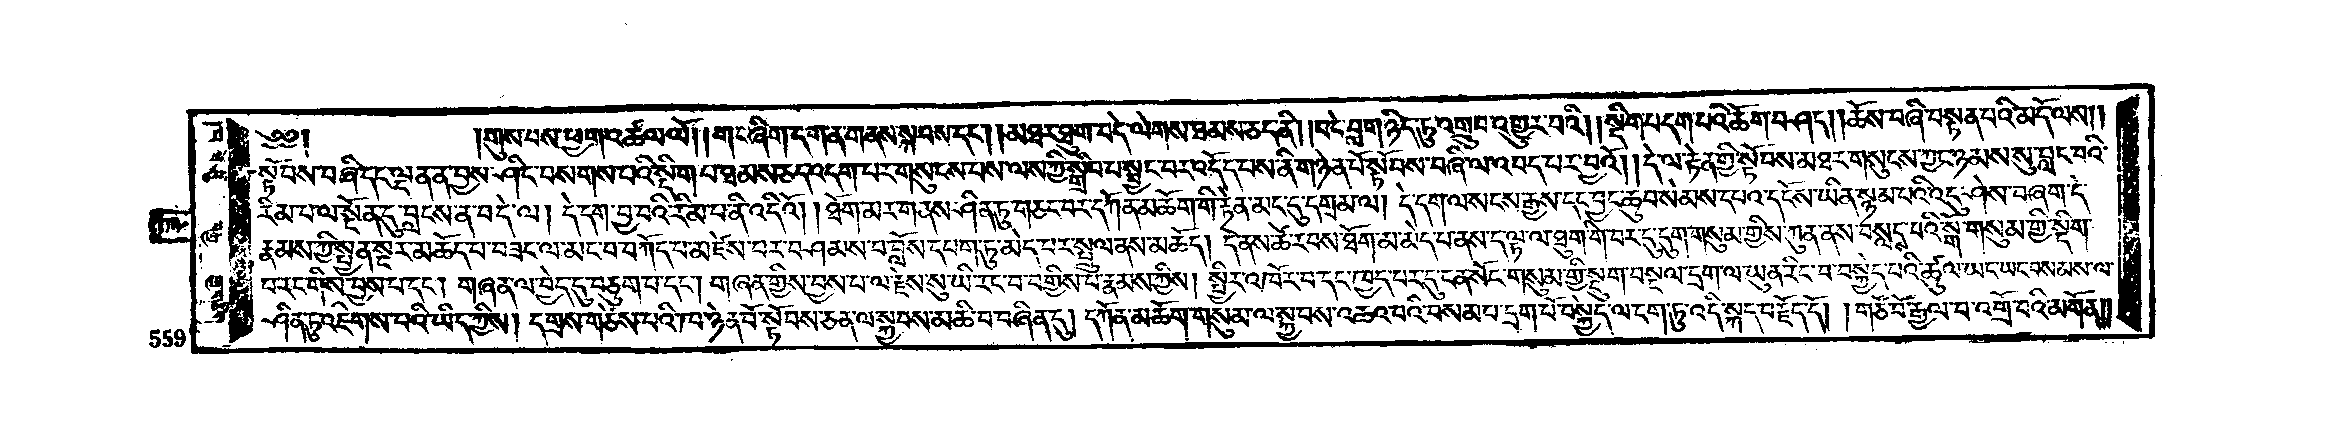༄༅། །གུས་པས་ཕྱག་འཚལ་ལོ། །གང་ཞིག་དག་ན་གནས་སྐབས་དང་། །མཐར་ཐུག་བདེ་ལེགས་ཐམས་ཅད་ནི། །བདེ་བླག་ཉིད་དུ་འགྲུབ་འགྱུར་བའི། །སྡིག་པ་དག་པའི་ཆོ་ག་བཤད། །ཆོས་བཞི་བསྟན་པའི་མདོ་ལས།།
སྟོབས་བཞི་དང་ལྡན་ན་བྱས་ཤིང་བསགས་པའི་སྡིག་པ་ཐམས་ཅད་འདག་པར་གསུངས་པས་ལས་ཀྱི་སྒྲིབ་པ་སྦྱང་བར་འདོད་པས་ནི་གཉེན་པོ་སྟོབས་བཞི་ལ་འབད་པར་བྱའོ། །དེ་ལ་རྟེན་གྱི་སྟོབས་མཐར་གསུངས་ཀྱང་ཉམས་སུ་བླང་བའི་
རིམ་པ་ལ་སྔོན་དུ་བླངས་ན་བདེ་ལ། དེ་དག་བྱ་བའི་རིམ་པ་ནི་འདིའོ། །ཐོག་མར་གནས་ཤིན་ཏུ་གཅང་བར་དཀོན་མཆོག་གི་རྟེན་མང་དུ་དགྲམ་ལ། དེ་དག་ལ་སངས་རྒྱས་དང་བྱང་ཆུབ་སེམས་དཔའ་དངོས་ཡིན་སྙམ་པའི་འདུ་ཤེས་བཞག་དེ་
རྣམས་ཀྱི་སྤྱན་སྔར་མཆོད་པ་བཟང་ལ་མང་བ་བཀོད་པ་མཛེས་པར་བཤམས་པ་བློས་དཔག་ཏུ་མེད་པར་སྤྲུལ་ནས་མཆོད། དེ་ནས་ཚེ་རབས་ཐོག་མ་མེད་པ་ནས་ད་ལྟ་ལ་ཐུག་གི་བར་དུ་དུག་གསུམ་གྱིས་ཀུན་ནས་བསླངས་པའི་སྒོ་གསུམ་གྱི་སྡིག་
པ་རང་གིས་བྱས་པ་དང་། གཞན་ལ་བྱེད་དུ་བཅུག་པ་དང་། གཞན་གྱིས་བྱས་པ་ལ་རྗེས་སུ་ཡི་རང་བ་བགྱིས་པ་རྣམས་ཀྱིས། སྤྱིར་འཁོར་བ་དང་ཁྱད་པར་དུ་ངན་སོང་གསུམ་གྱི་སྡུག་བསྔལ་དྲག་ལ་ཡུན་རིང་བ་བསྐྱེད་པའི་ཚུལ་ཡང་ཡང་བསམས་ལ་
ཤིན་ཏུ་འཇིགས་པའི་ཡིད་ཀྱིས། དགྲས་གཙེས་པའི་ཁ་ཉེན་པོ་སྟོབས་ཅན་ལ་སྐྱབས་མཆི་བ་བཞིན་དུ། དཀོན་མཆོག་གསུམ་ལ་སྐྱབས་འཆའ་བའི་བསམ་པ་དྲག་པོ་བསྐྱེད་ལ་ངག་ཏུ་འདི་སྐད་བརྗོད་དོ། །གཙོ་བོ་རྒྱལ་བ་འགྲོ་བའི་མགོན།།